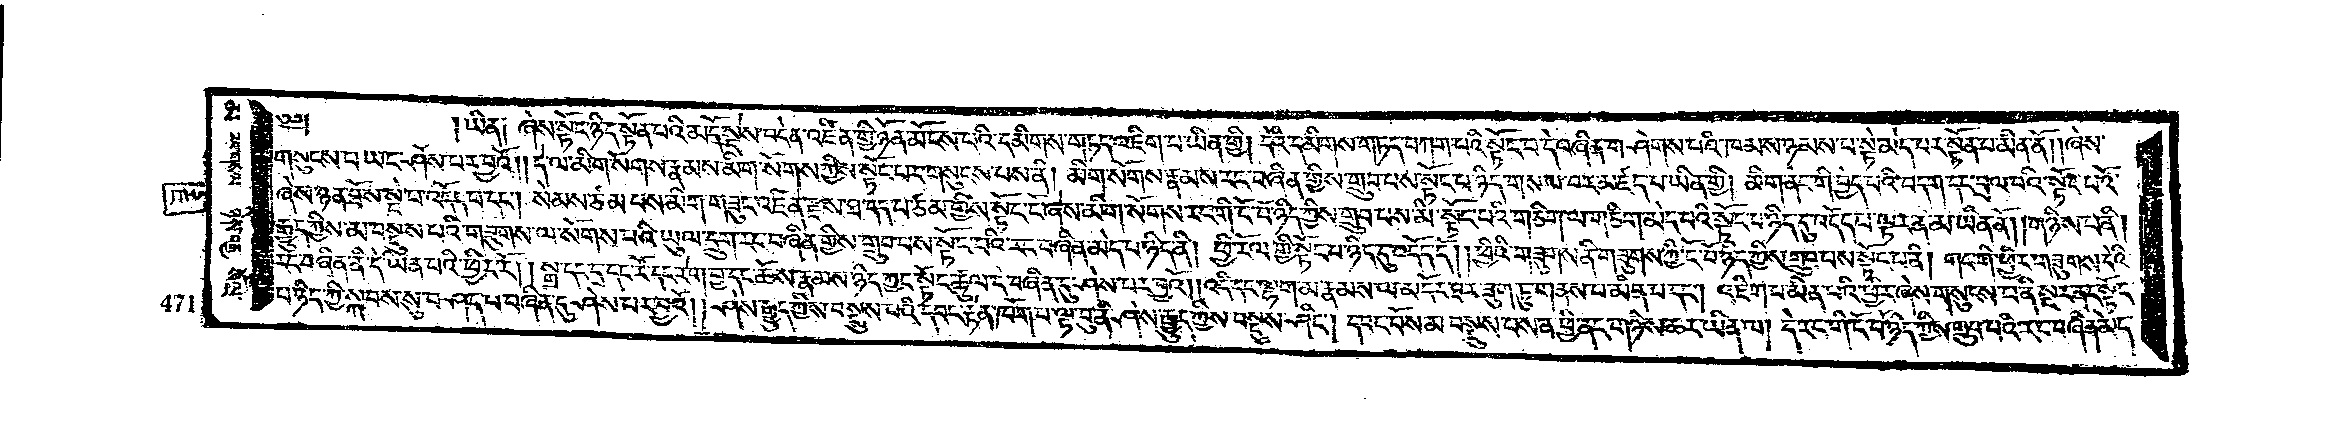༄༅། །ཡིན། ཞེས་སྟོང་ཉིད་སྟོན་པའི་མདོ་སྡེས་བདེན་འཛིན་གྱི་ཉོན་མོངས་པའི་དམིགས་གཏད་འཇིག་པ་ཡིན་གྱི། དེའི་དམིགས་གཏད་བཀག་པའི་སྟོང་བ་དེ་བཞིན་གཤེགས་པའི་ཁམས་ཉམས་པ་སྟེ་མེད་པར་སྟོན་པ་མིན་ནོ། །ཞེས་
གསུངས་པ་ཡང་ཤེས་པར་བྱའོ། །དེ་ལ་མིག་སོགས་རྣམས་མིག་སོགས་ཀྱིས་སྟོང་པར་གསུངས་པས་ནི། མིག་སོགས་རྣམས་རང་བཞིན་གྱིས་གྲུབ་པས་སྟོང་པ་ཉིད་གསལ་བར་མཛད་པ་ཡིན་གྱི། མིག་ནང་གི་བྱེད་པའི་བདག་དང་བྲལ་བའི་སྟོང་པའོ་
ཞིས་ཉན་ཐོས་སྡེ་པ་འདོད་པ་དང་། སེམས་ཙམ་པས་མིག་གཟུང་འཛིན་རྫས་ཐ་དད་པ་ཙམ་གྱིས་སྟོང་ངོ་ཞེས་མིག་སོགས་རང་གི་ངོ་བོ་ཉིད་ཀྱིས་གྲུབ་པས་མི་སྟོང་པའི་གཅིག་ལ་གཅིག་མེད་པའི་སྟོང་པ་ཉིད་དུ་འདོད་པ་ལྟར་ནི་མ་ཡིན་ནོ། །གཉིས་པ་ནི།
རྒྱུད་ཀྱིས་མ་བསྡུས་པའི་གཟུགས་ལ་སོགས་པའི་ཡུལ་དྲུག་རང་བཞིན་གྱིས་གྲུབ་པས་སྟོང་པའི་རང་བཞིན་མེད་པ་ཉིད་ནི། ཕྱི་རོལ་གྱི་སྟོང་པ་ཉིད་དུ་འདོད་དོ། །ཕྱིའི་གཟུགས་ནི་གཟུགས་ཀྱི་ངོ་བོ་ཉིད་ཀྱིས་གྲུབ་པས་སྟོང་པ་ནི། གང་གི་ཕྱིར་གཟུགས་དེའི་
རང་བཞིན་ནི་དེ་ཡིན་པའི་ཕྱིར་རོ། །སྒྲ་དང་དྲི་དང་རོ་དང་རེག་བྱ་དང་ཆོས་རྣམས་ཉིད་ཀྱང་སྟོང་ཚུལ་དེ་བཞིན་དུ་ཤེས་པར་བྱའོ། །འདི་དང་ལྷག་མ་རྣམས་ལ་མདོར་ཐེར་ཟུག་ཏུ་གནས་པ་མིན་པ་དང་། འཇིག་པ་མིན་པའི་ཕྱིར་ཞེས་གསུངས་པ་ནི་སྔར་ནང་སྟོང་
བ་ཉིད་ཀྱི་སྐབས་སུ་བཤད་པ་བཞིན་དུ་ཤེས་པར་བྱའོ། །ཤེས་རྒྱུད་ཀྱིས་བསྡུས་པའི་དབང་རྟེན་ཁོག་པ་ལྟ་བུ་ནི་ཤེས་རྒྱུད་ཀྱིས་བསྡུས་ཤིང་། དབང་པོས་མ་བསྡུས་པས་ན་ཕྱི་ནང་གཉིས་ཆར་ཡིན་ལ། དེ་རང་གི་ངོ་བོ་ཉིད་ཀྱིས་གྲུབ་པའི་རང་བཞིན་མེད་